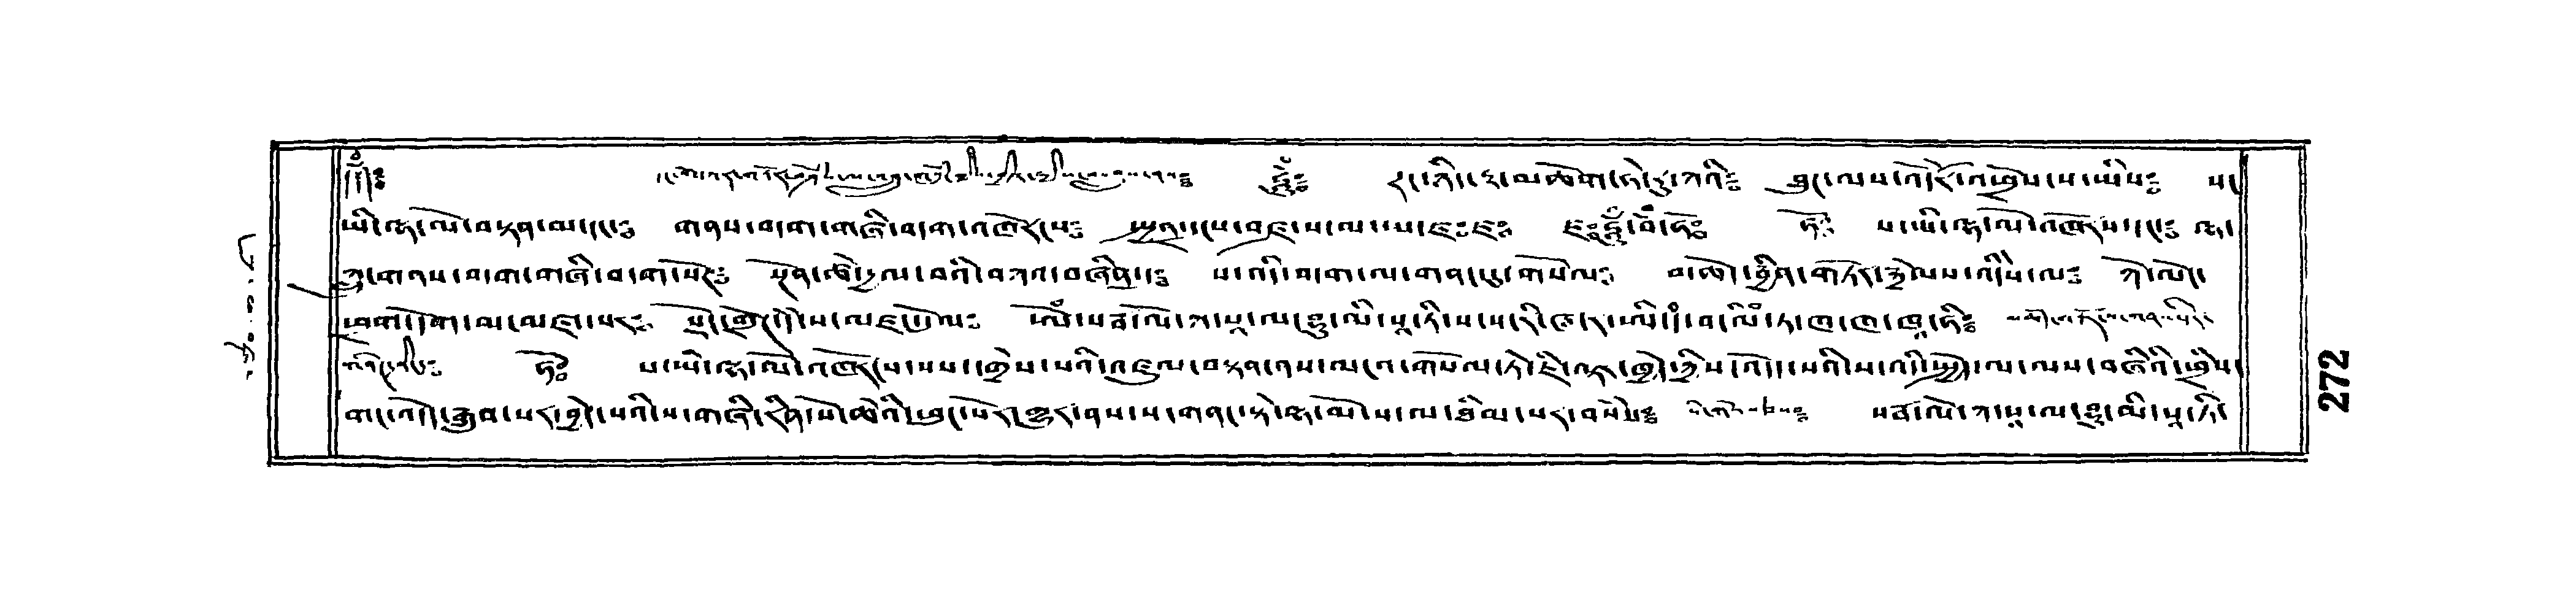དང་པོ་དཀར་གཏོར་བཤམས་ལ་འབྲུ་གསུམ་གྱིས་བྱིན་གྱིས་བརླབས་ནས༔ ཧཱུྃ༔ རང་ཉིད་རྟ་མཆོག་ཧེ་རུ་ཀའི༔ ཐུགས་ལས་འོད་ཟེར་འཕྲོས་པ་ཡིས༔ ས་
ཡི་ལྷ་མོ་བསྟན་མ་དང༔ གནས་བདག་གཞི་བདག་འཁོར་དང་བཅས༔ སྤྱན་དྲངས་བཛྲ་ས་མ་ཡ་ཛཿཛཿ ཛཿཧཱུྃ་བྃ་ཧོཿ ཧོཿ ས་ཡི་ལྷ་མོ་འཁོར་འདས་དང༔ ལྷ་
ཀླུ་གནས་བདག་གཞི་བདག་སོགས༔ སྔོན་ཚེ་རྒྱལ་བའི་བཀའ་བཞིན་དུ༔ ས་འདི་བདག་ལ་གནང་དུ་གསོལ༔ མཆོད་སྦྱིན་གཏོར་སྐྱེམས་འདི་བཞེས་ལ༔ ཀོ་ལོང་
ཕྲག་དོག་མ་མཛད་པར༔ སྡོང་གྲོགས་དམ་པ་མཛད་དུ་གསོལ༔ ཨོཾ་སརྦ་ལོ་ཀ་པཱ་ལ་བྷུ་མི་པཱ་ཏི་ས་པ་རི་ཝ་ར་ཨི་དཾ་བ་ལིཾ་ཏ་ཁ་ཁ་ཁཱ་ཧི༔ མཆོད་གཏོར་ས་གནས་དེར་
གཤེགས་ཤིང༔ ཧོཿ ས་ཡི་ལྷ་མོ་འཁོར་དང་བཅས་པས་དགྱེས་པའི་འཛུམ་བསྟན་ནས་མངའ་གསོལ་ཏེ་ཇི་ལྟར་ཁྱེད་ཀྱིས་འདོད་པའི་ས་འདི་སྤྱོད་ལ་ལས་བཞིའི་ཕྲིན་ལས་
གང་འདོད་སྒྲུབ་པར་བྱེད་པའི་ས་གཞི་རིན་པོ་ཆེའི་ཕུང་པོར་གྱུར་ནས་ས་གནང་སྟེ་ལྷ་མོ་ས་ལ་ཐིམ་པར་བསམས༔ སེ་གོལ་བཅས༔ སརྦ་ལོ་ཀ་པཱ་ལ་བྷུ་མི་པཱ་ཏི་